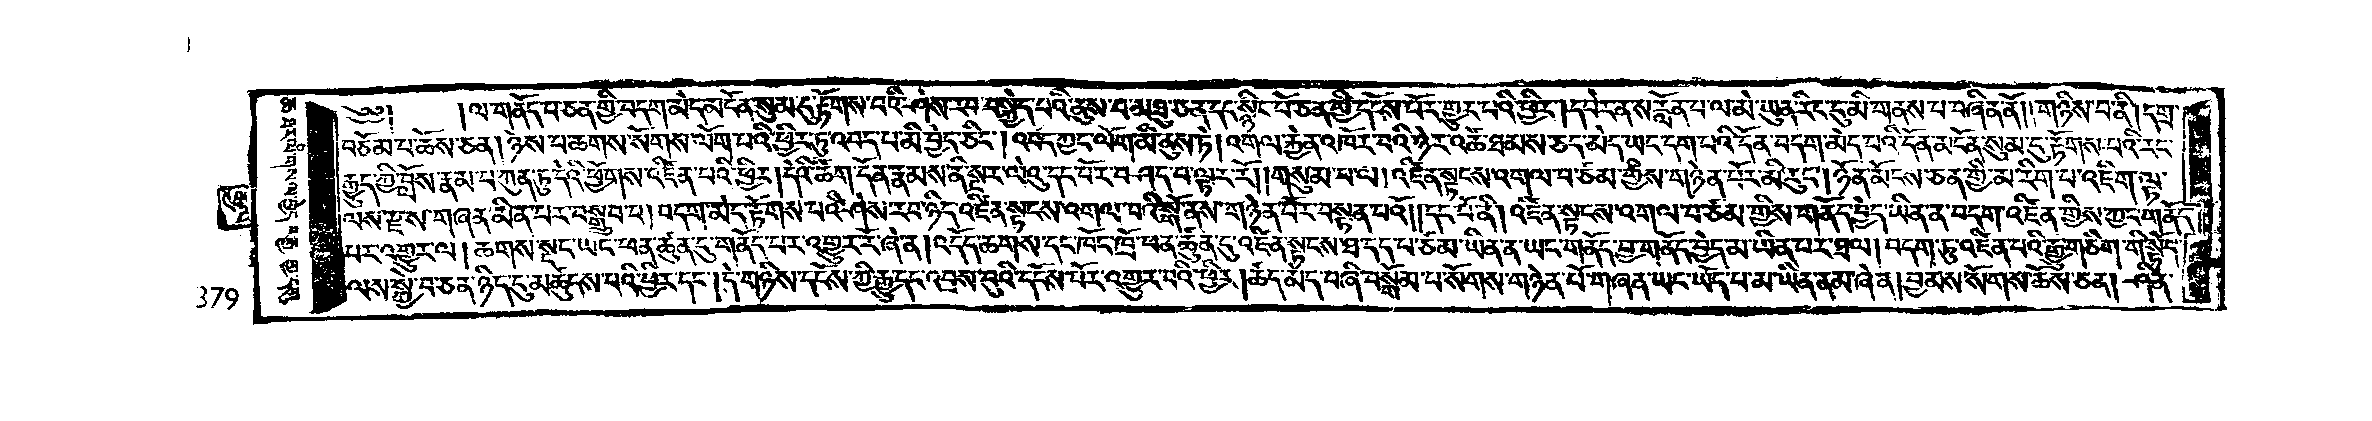༄༅། །ལ་གནོད་པ་ཅན་གྱི་བདག་མེད་མངོན་སུམ་དུ་རྟོགས་པའི་ཤེས་རབ་བསྐྱེད་པའི་ནུས་པ་མཐུ་ཅན་དང་སྙིང་པོ་ཅན་གྱི་དངོས་པོར་གྱུར་པའི་ཕྱིར། དཔེར་ན་ས་རློན་པ་ལ་མེ་ཡུན་རིང་དུ་མི་གནས་པ་བཞིན་ནོ། །གཉིས་པ་ནི། དགྲ་
བཅོམ་པ་ཆོས་ཅན། ཉེས་པ་ཆགས་སོགས་ལོག་པའི་ཕྱིར་ཏུ་འབད་པ་མི་བྱེད་ཅིང་། འབད་ཀྱང་ལོག་མི་ནུས་ཏེ། འགལ་རྐྱེན་འཁོར་བའི་ཉེར་འཚེ་ཐམས་ཅད་མེད་ཡང་དག་པའི་དོན་བདག་མེད་པའི་དོན་མངོན་སུམ་དུ་རྟོགས་པའི་རང་
རྒྱུད་ཀྱི་བློས་རྣམ་པ་ཀུན་ཏུ་དེའི་ཕྱོགས་འཛིན་པའི་ཕྱིར། དེའི་ཚིག་དོན་རྣམས་ནི་སྔར་ལེའུ་དང་པོར་བཤད་པ་ལྟར་རོ། །གསུམ་པ་ལ། འཛིན་སྟངས་འགལ་བ་ཙམ་གྱིས་གཉེན་པོར་མི་རུང་། ཉོན་མོངས་ཅན་གྱི་མ་རིག་པ་འཇིག་ལྟ་
ལས་རྫས་གཞན་མིན་པར་བསྒྲུབ་པ། བདག་མེད་རྟོགས་པའི་ཤེས་རབ་ཉིད་འཛིན་སྟངས་འགལ་བའི་སྒོ་ནས་གཉེན་པོར་བསྟན་པའོ། །དང་པོ་ནི། འཛིན་སྟངས་འགལ་བ་ཙམ་གྱིས་གནོད་བྱེད་ཡིན་ན་བདག་འཛིན་གྱིས་ཀྱང་གནོད་
པར་འགྱུར་ལ། ཆགས་སྡང་ཡང་ཕན་ཚུན་དུ་གནོད་པར་འགྱུར་རོ་ཞེ་ན། འདོད་ཆགས་དང་ཁོང་ཁྲོ་ཕན་ཚུན་དུ་འཛིན་སྟངས་ཐ་དད་པ་ཙམ་ཡིན་ན་ཡང་གནོད་བྱ་གནོད་བྱེད་མ་ཡིན་པར་ཐལ། བདག་ཏུ་འཛིན་པའི་རྒྱུ་གཅིག་གི་སྟོང་
ལས་སྐྱེ་བ་ཅན་ཉིད་དུ་མཚུངས་པའི་ཕྱིར་དང་། དེ་གཉིས་དངོས་ཀྱི་རྒྱུ་དང་འབྲས་བུའི་དངོས་པོར་འགྱུར་བའི་ཕྱིར། ཚད་མེད་བཞི་བསྒོམ་པ་སོགས་གཉེན་པོ་གཞན་ཡང་ཡོད་པ་མ་ཡིན་ནམ་ཞེ་ན། བྱམས་སོགས་ཆོས་ཅན། ཤིན་